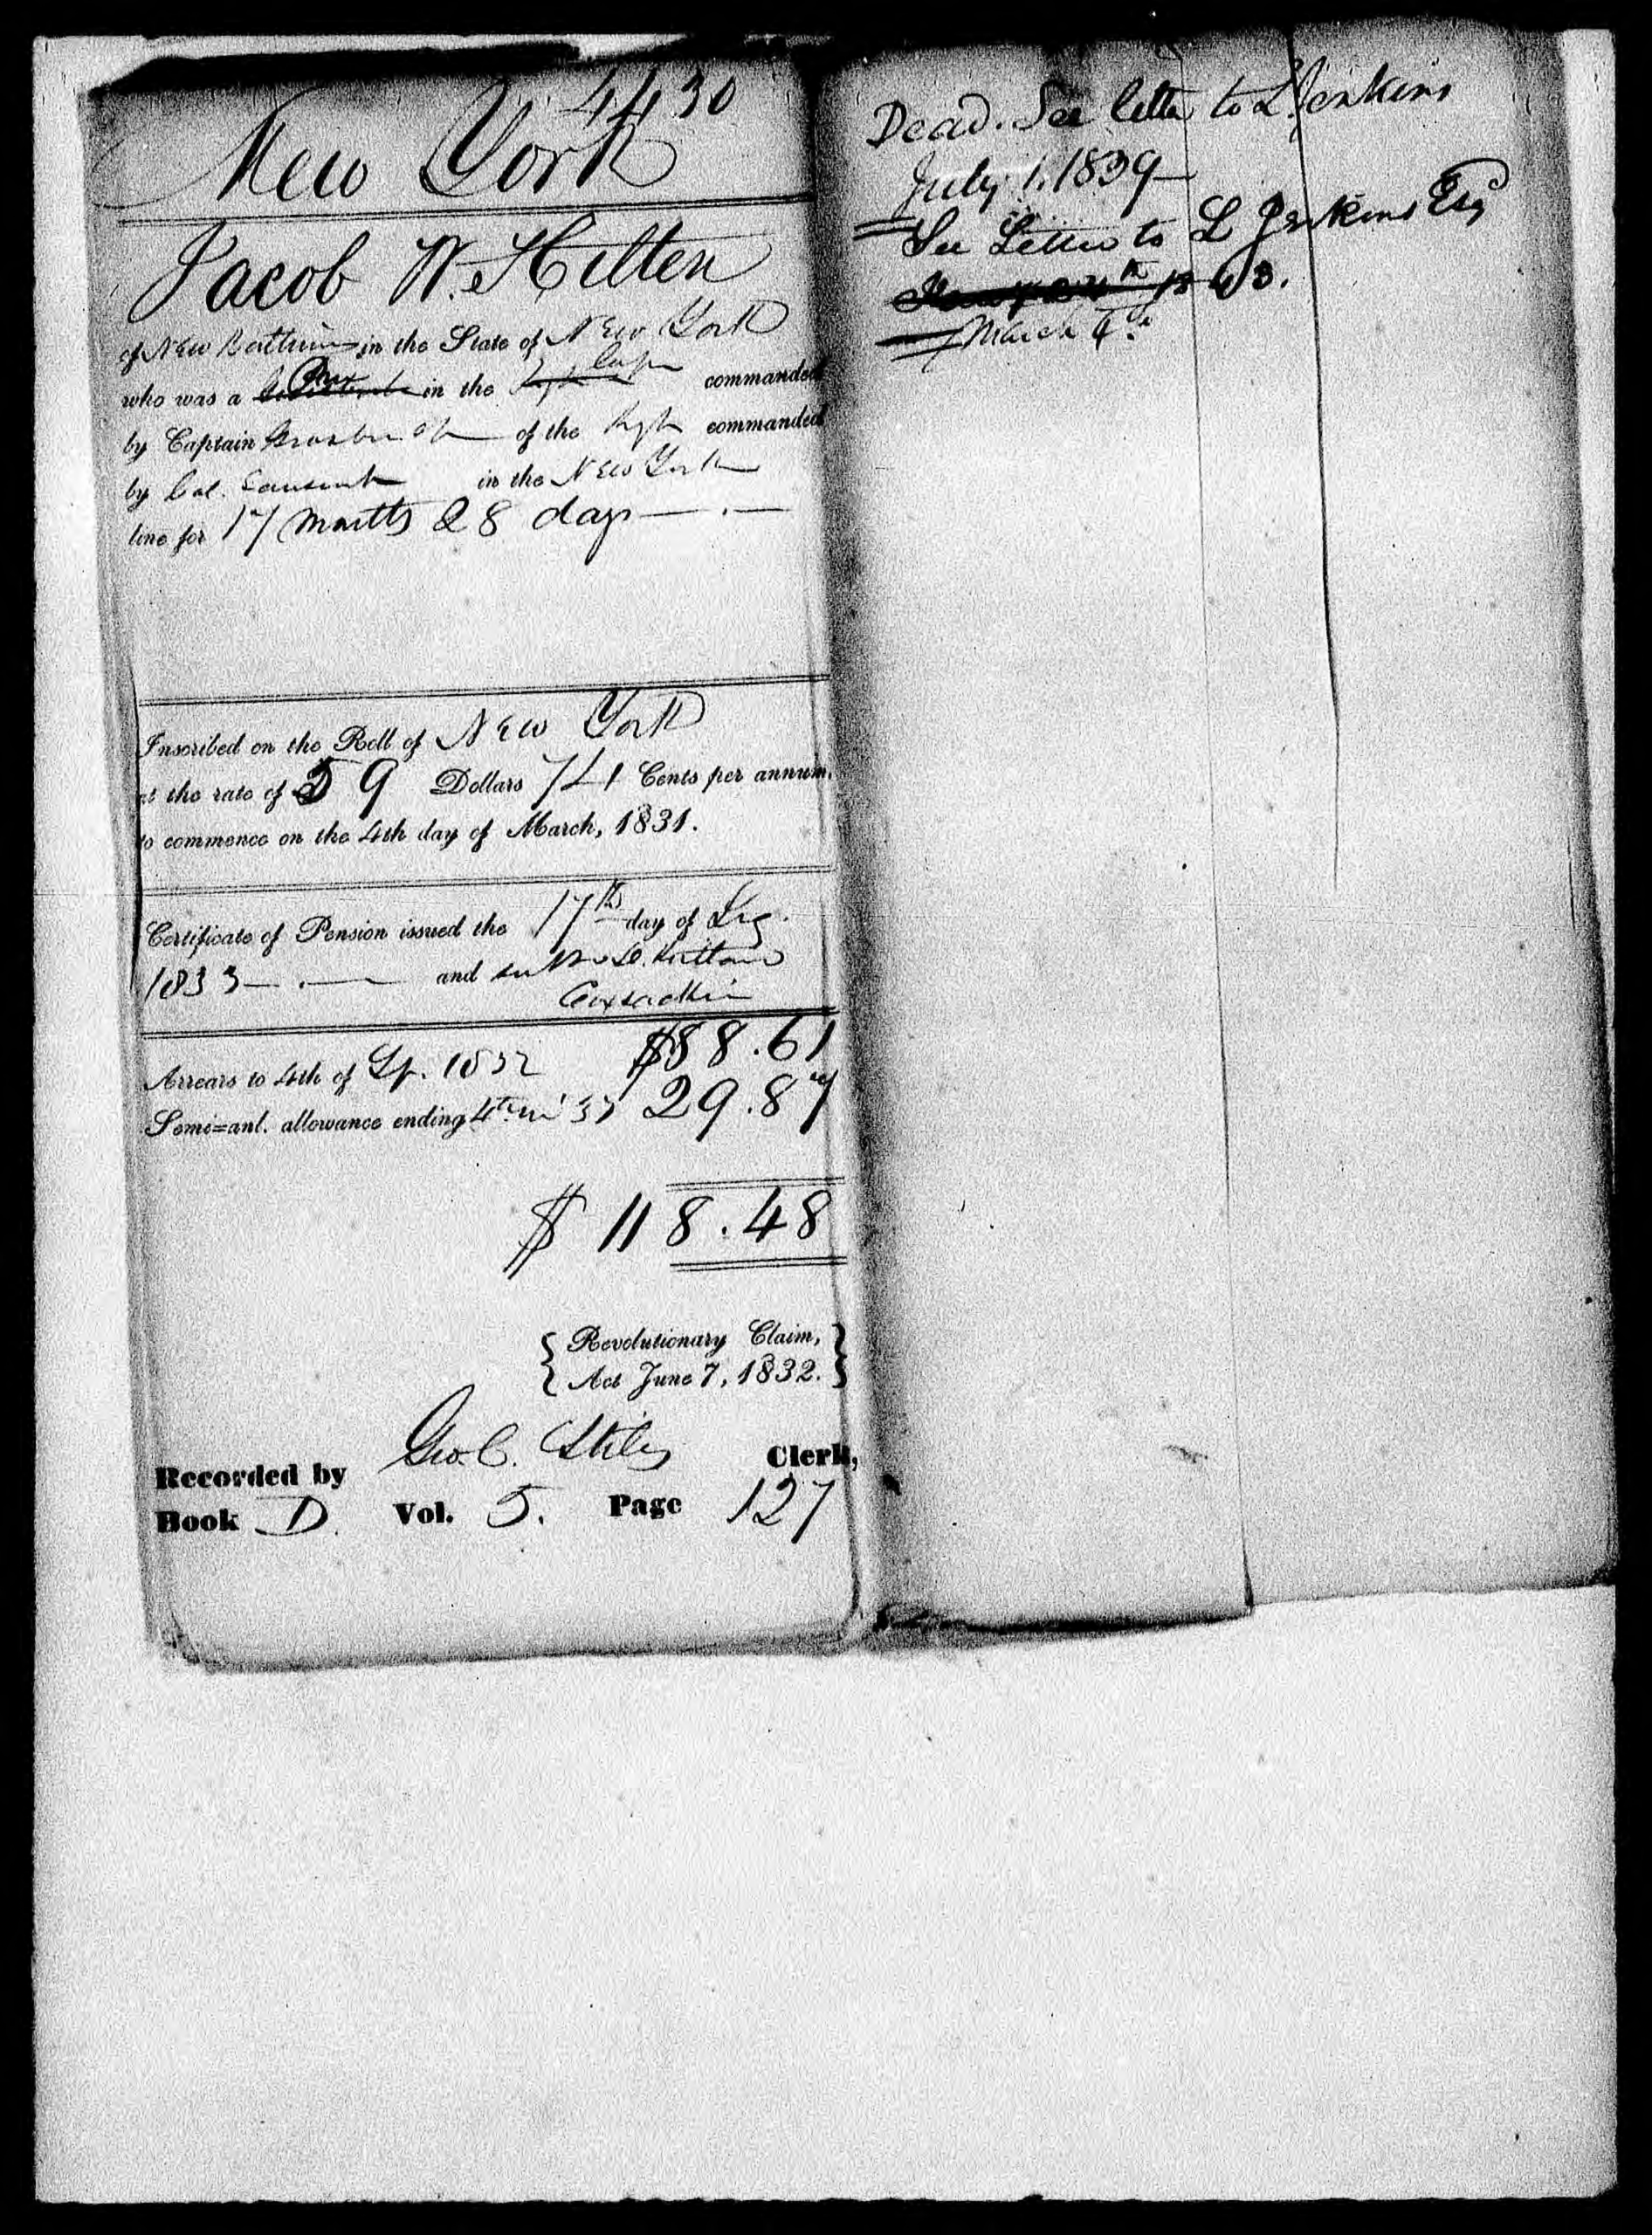(B-1770)| | SERVICE
New York| Hilton, Jacob W.| W19788
|Hilten, Mary|
Contents

Jacob W. Hilton
of New Baltimore in the State of New York
who was a X in the x commanded 
by Captain X of the X commanded 
by Col. X in the New York 
line for 17 months 28 days. 

Inscribed on the Roll of New York 
at the rate of 59 Dollars 74 Cents per annum
to commence on the 4th day of March, 1831. 

Certificate of Pension issued the 17th day of X 1833 and X Coxsackie. 

Arrears to 4th of X X $88.61
X allowance ending X 29.81 
$118.48

Revolutionary Claim, 
Act June 7, 1832
Recorded by X Clerk,
Book D Vol. 5 Page 127 

------- Page 2 

X X letter to L Jenkins
July 1, 1839
See Letter to L Jenkins Esq
March 4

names: L Jenkins, Geo C Stiles, Jacob W Hilton, Jacob W Hilton, Grosbuck, Gansevoort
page: 10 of 48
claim: widow's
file: W. 19788, Jacob W Hilton, New York